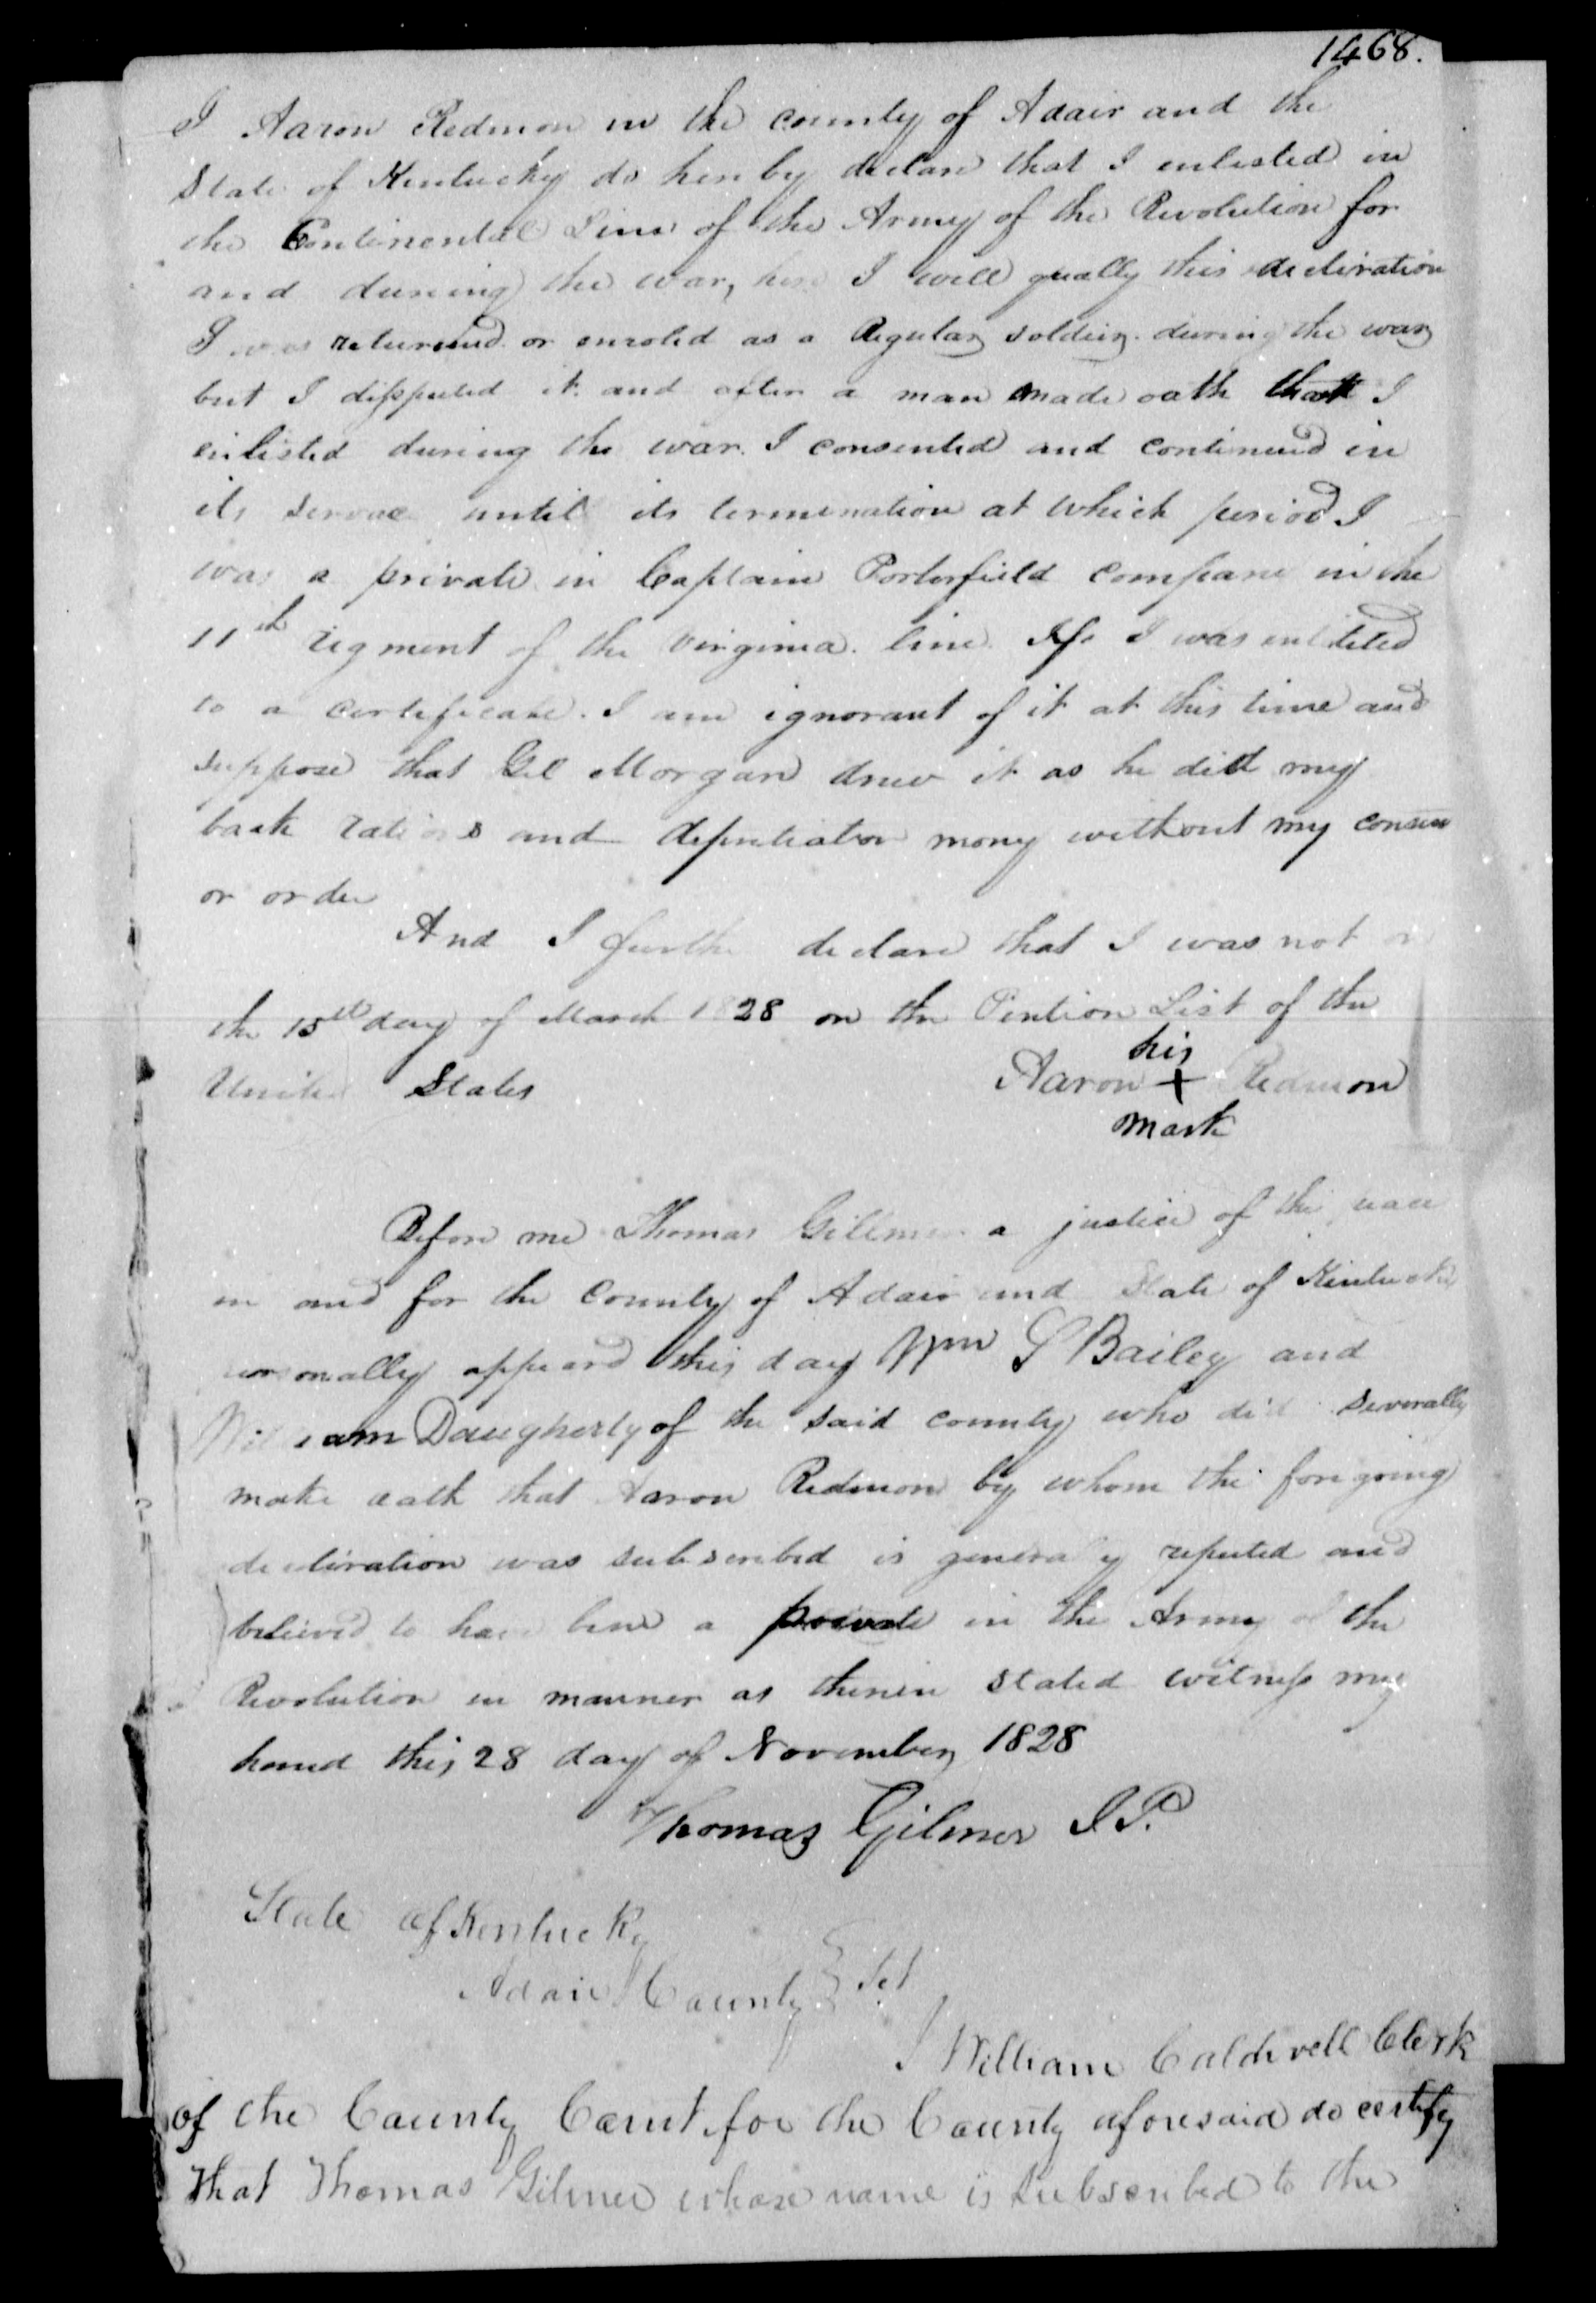1468
of Aaron Redmon in the County of Adair and the
State of Kentucky do hereby declare that I enlisted in
the Continental Line of the Army of the Revolution for
and during the war, [illegible] I will [illegible] this declaration
I was [illegible] or enroled as a Regular soldier during the war
but I disputed it and after a man made oath that I
enlisted during the war I consented and continued in
its service until its termination at which period I
was a private in Captain Porterfield Company in the
11th Regment of the Virginia line. [illegible] I was entitited
to a certificate. I am ignorant of it at this time and
suppose that Gel Morgan drew it as he did my
back rations and deputation money without my [illegible]
or order
And I further declare that I was not on
the 15th day of March 1828 on the Pention [sic] list of the
United States
Aaron X his mark Redmon

Before me Thomas Gillmer a justice of the peace
in and for the County of Adair and State of Kentucky
personally appeared this day Wm P Bailey and
William Daugherty of the said County who did severally
make oath that Aaron Redmon by whom the foregoing
declaration was subscribed is generally reputed and
believed to have been a private in the Army of the
Revolution in manner as therein stated witness my
hand this 28 day of November 1828
Thomas Gilmer J. P.

State of Kentucky
Adair County ] Set
I William Caldwell Clerk
of the County Court for the County aforesaid do certify
that Thomas Gilmer whose name is subscribed to the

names: William Caldwell; [BLANK] Morgan; Wm S Bailey; Thomas Gilmer; Aaron Redmon; Thomas Gilmer; Aaron Redmon; William Daugherty; Aaron Redmon; Thomas Gillmer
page: 49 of 57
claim: widow's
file: W. 9,622, for Aaron Redman, Virginia